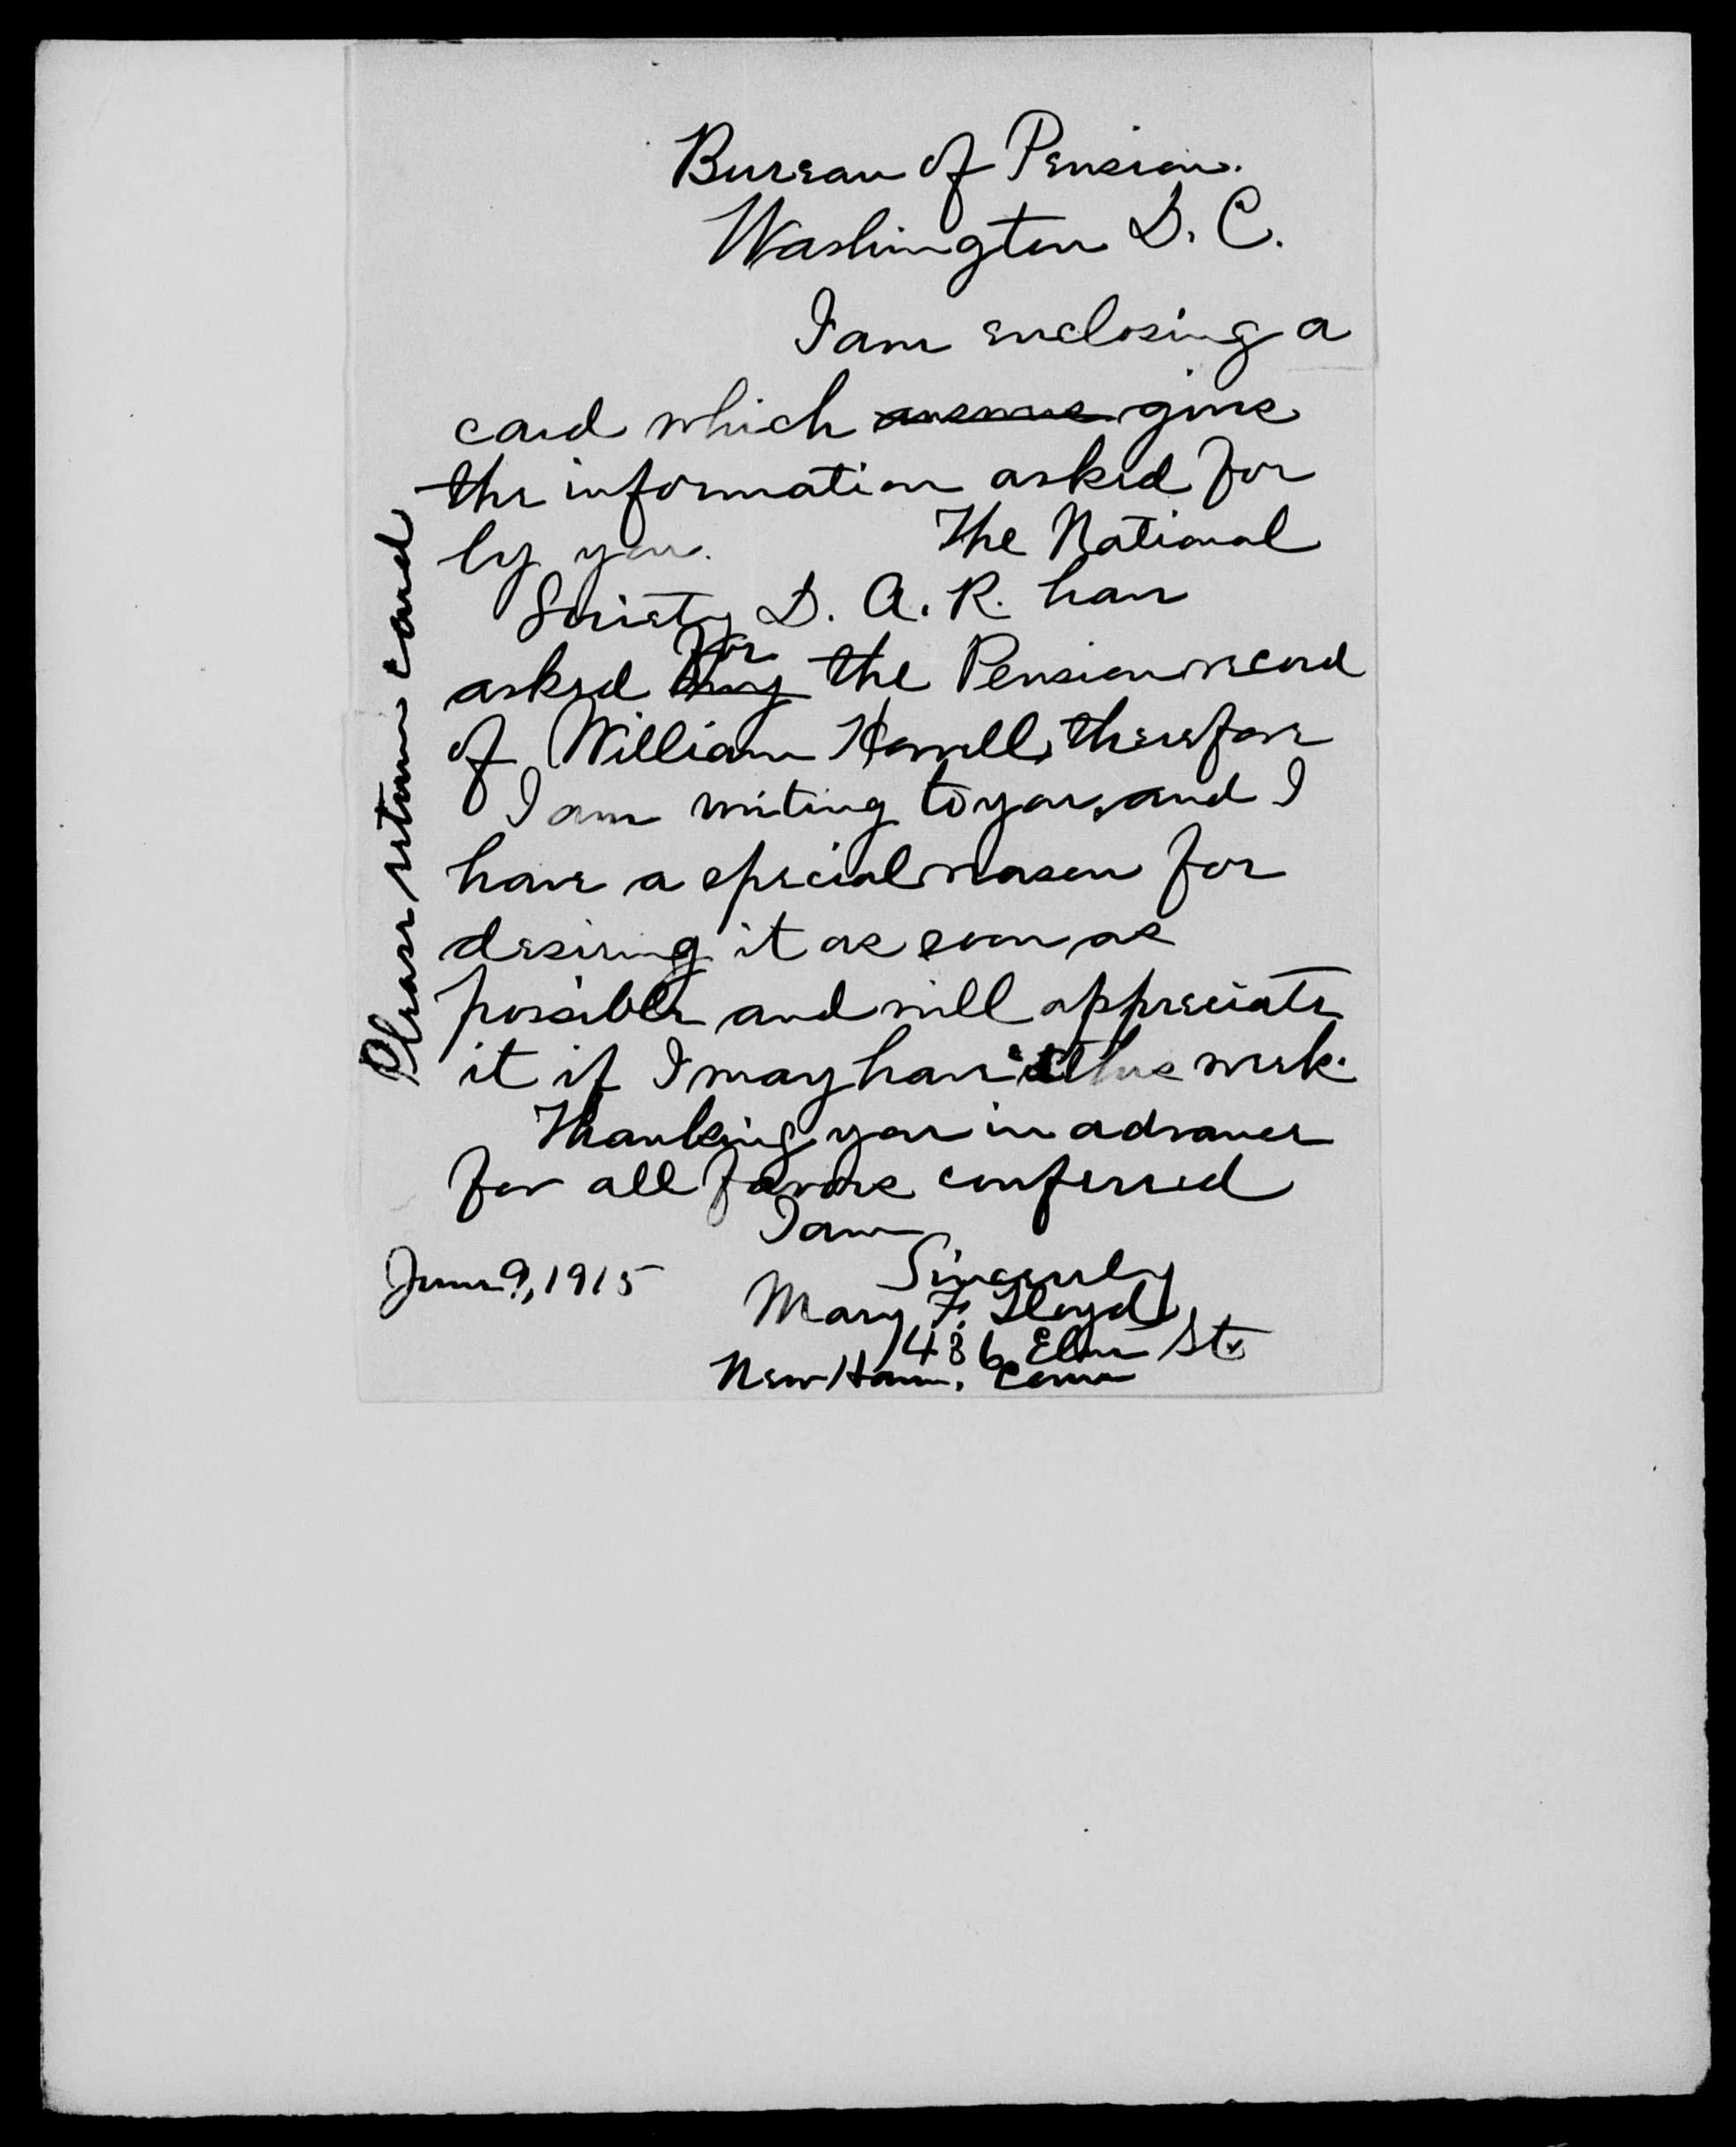Bureau of Pension
Washington D.C. 

I am enclosing a card which gives the information asked for by you.  The National Society D.A.R. has 
asked for the Pension record of William Howell therefor I am writing toyou and I have a special reason for desiring it as possible and will appreciate it if I may have this work. 

Thanking you in advance for all favors conferred

Iam 

Sincerely
Mary F. Lloyd
486 Elm St. 
New Haven, Conn

June 9, 1915

Note written in left margin:  Please return card.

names: Mary F Lloyd, William Howell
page: 16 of 18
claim: survivor's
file: S. 18,039, William Howell, Conn. Sea Service Mass. And Mass. Sea Service Privateer